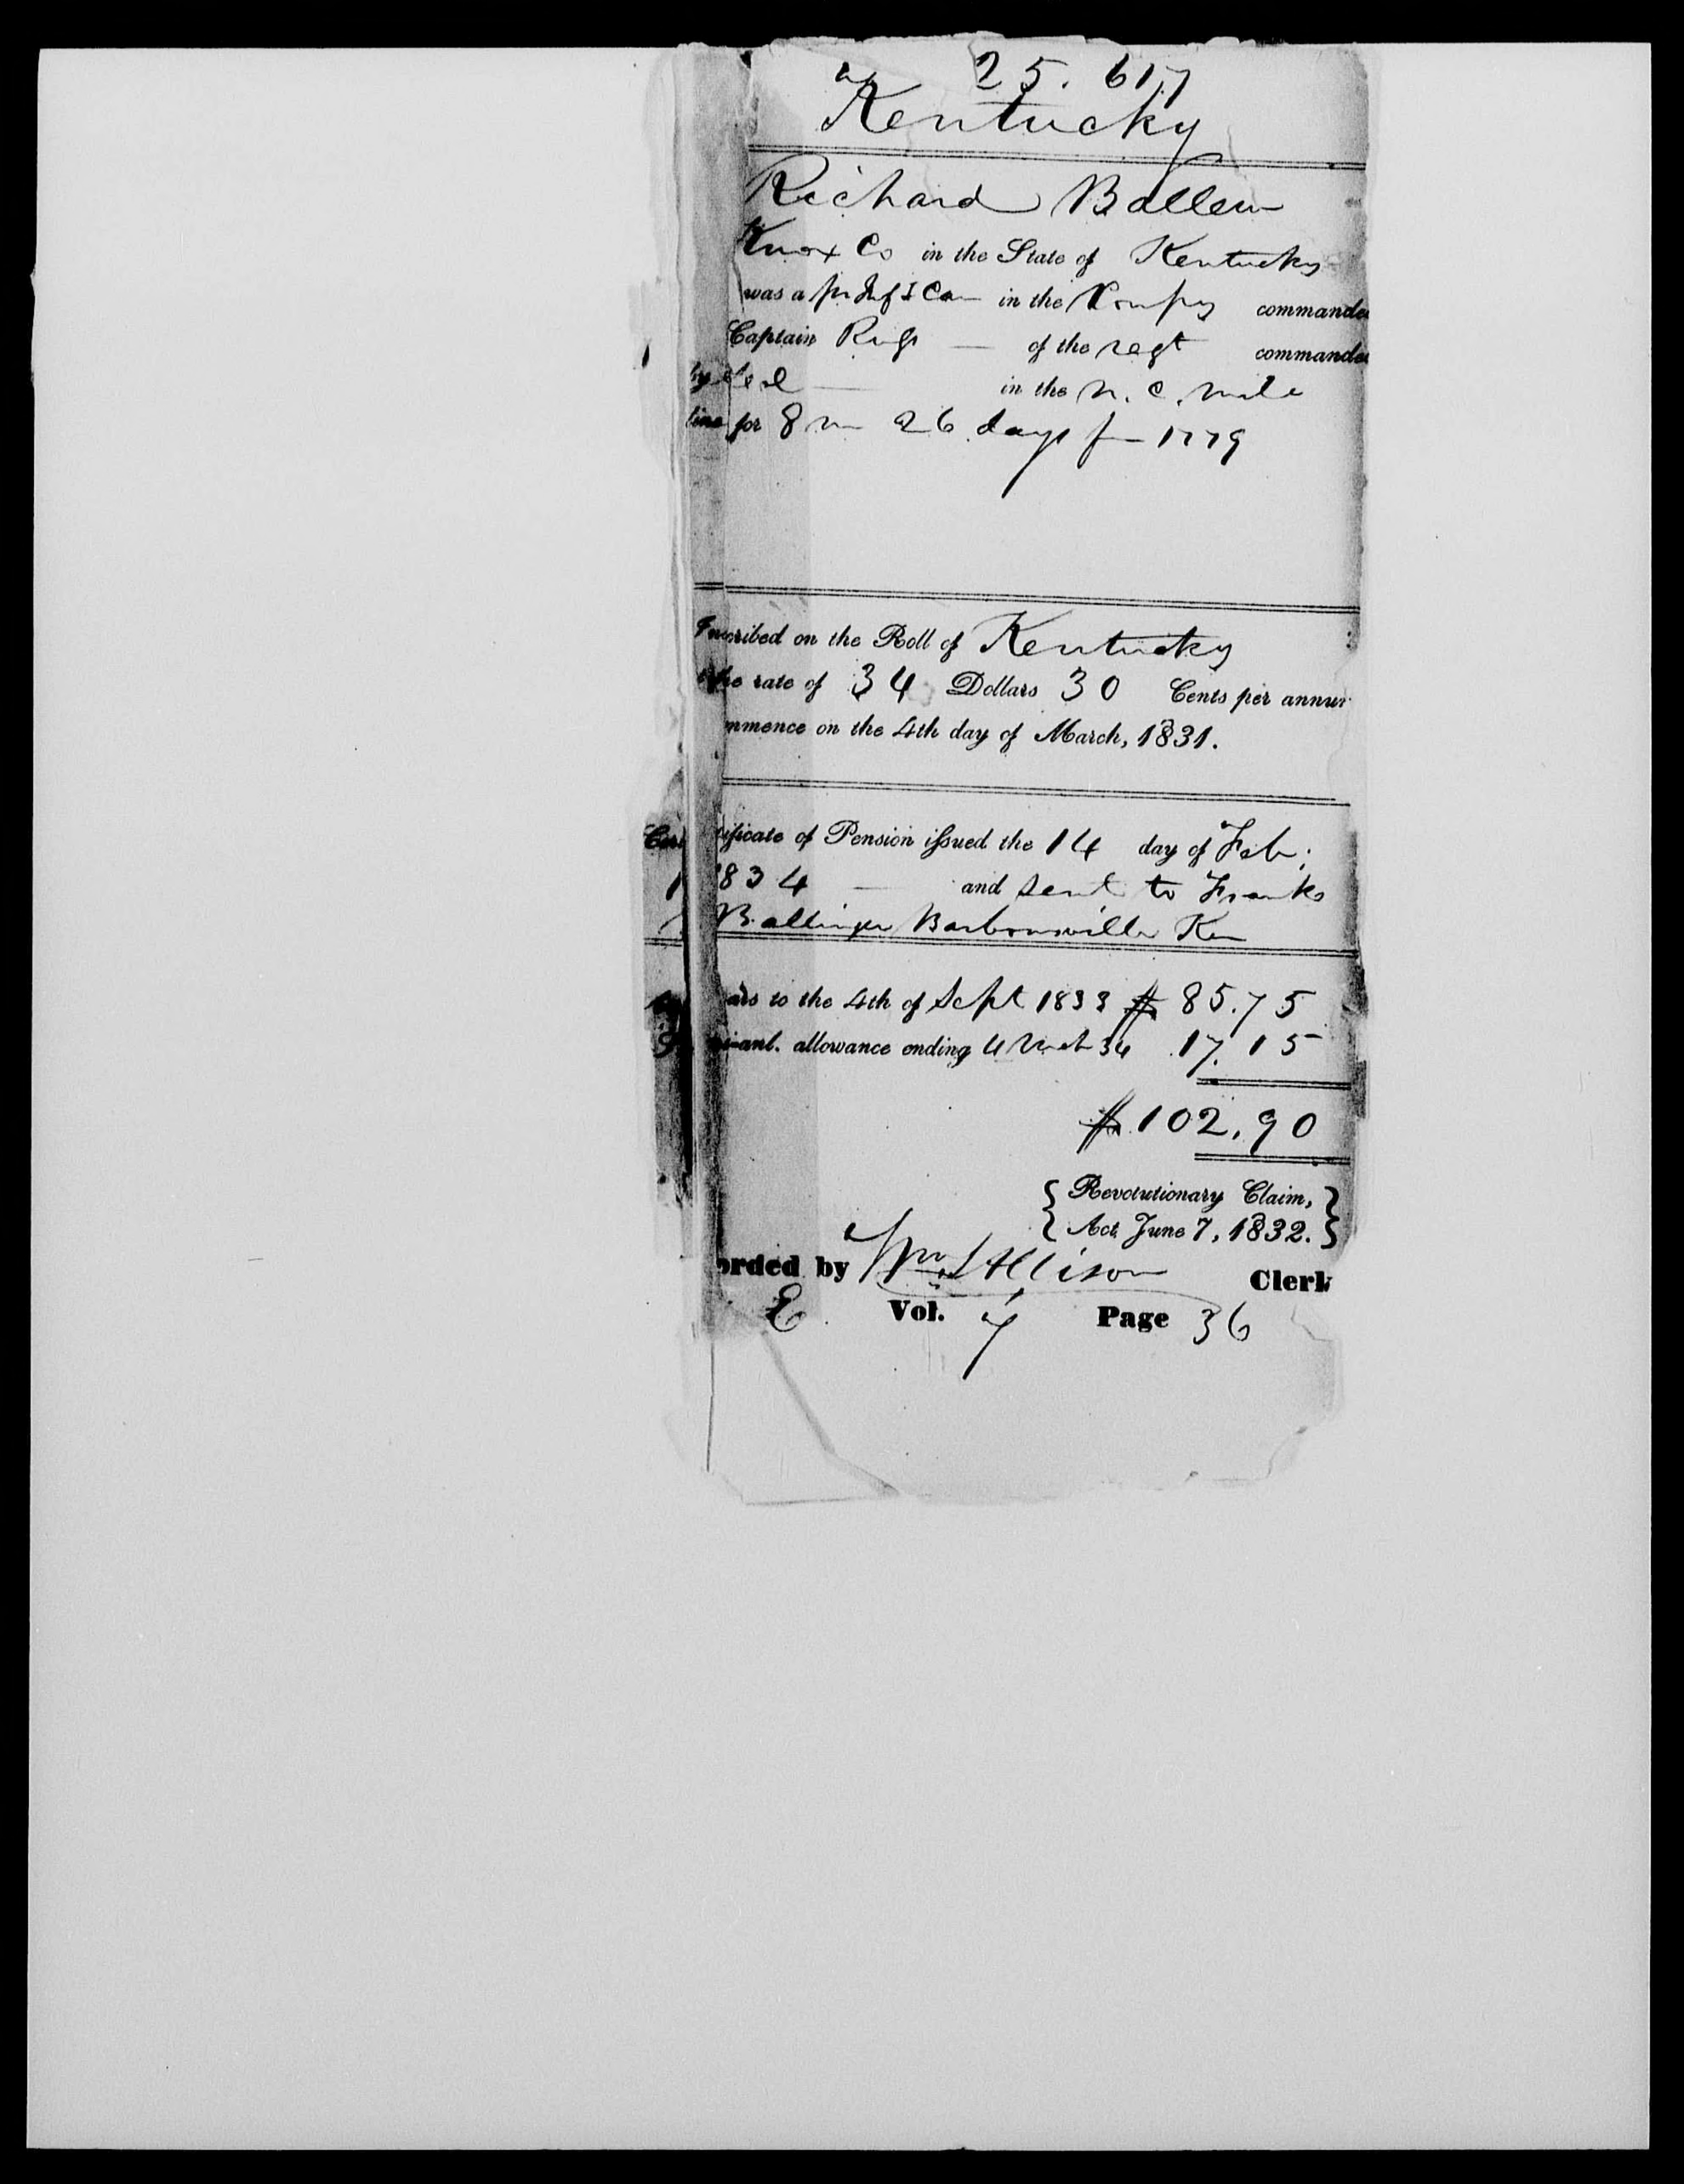25.617
Kentucky
Richard Ballew
Knox Co in the State of Kentucky
was a pr. Inf. 1 Cav. in the Compy. commanded
by Captain Russ of the regt. commanded
by Col-----in the N.C. mil.
time for 8 mo. 26 days of 1779

Inscribed on the Roll of Kentucky
at the rate of 34 Dollars  30  Cents per annum
to commence on the 4th day of March, 1831.

Certificate of Pension issued the 14 day of Feb.
1824  and sent to Franks
Ballinger,  Barborville Ken

Arrears to the 4th of Sept 1833               $85.75
Semi=annl, allowance ending 4 Mar 36     17.15
                                                 Total         $102.90

Recorded by Wm. Allison   Clerk
Book E   Vol.  7  Page 36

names: Richard Ballew, Frank Ballinger, Wm Allison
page: 2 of 33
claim: survivor's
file: S. 15305, Richard Ballew, N.C.